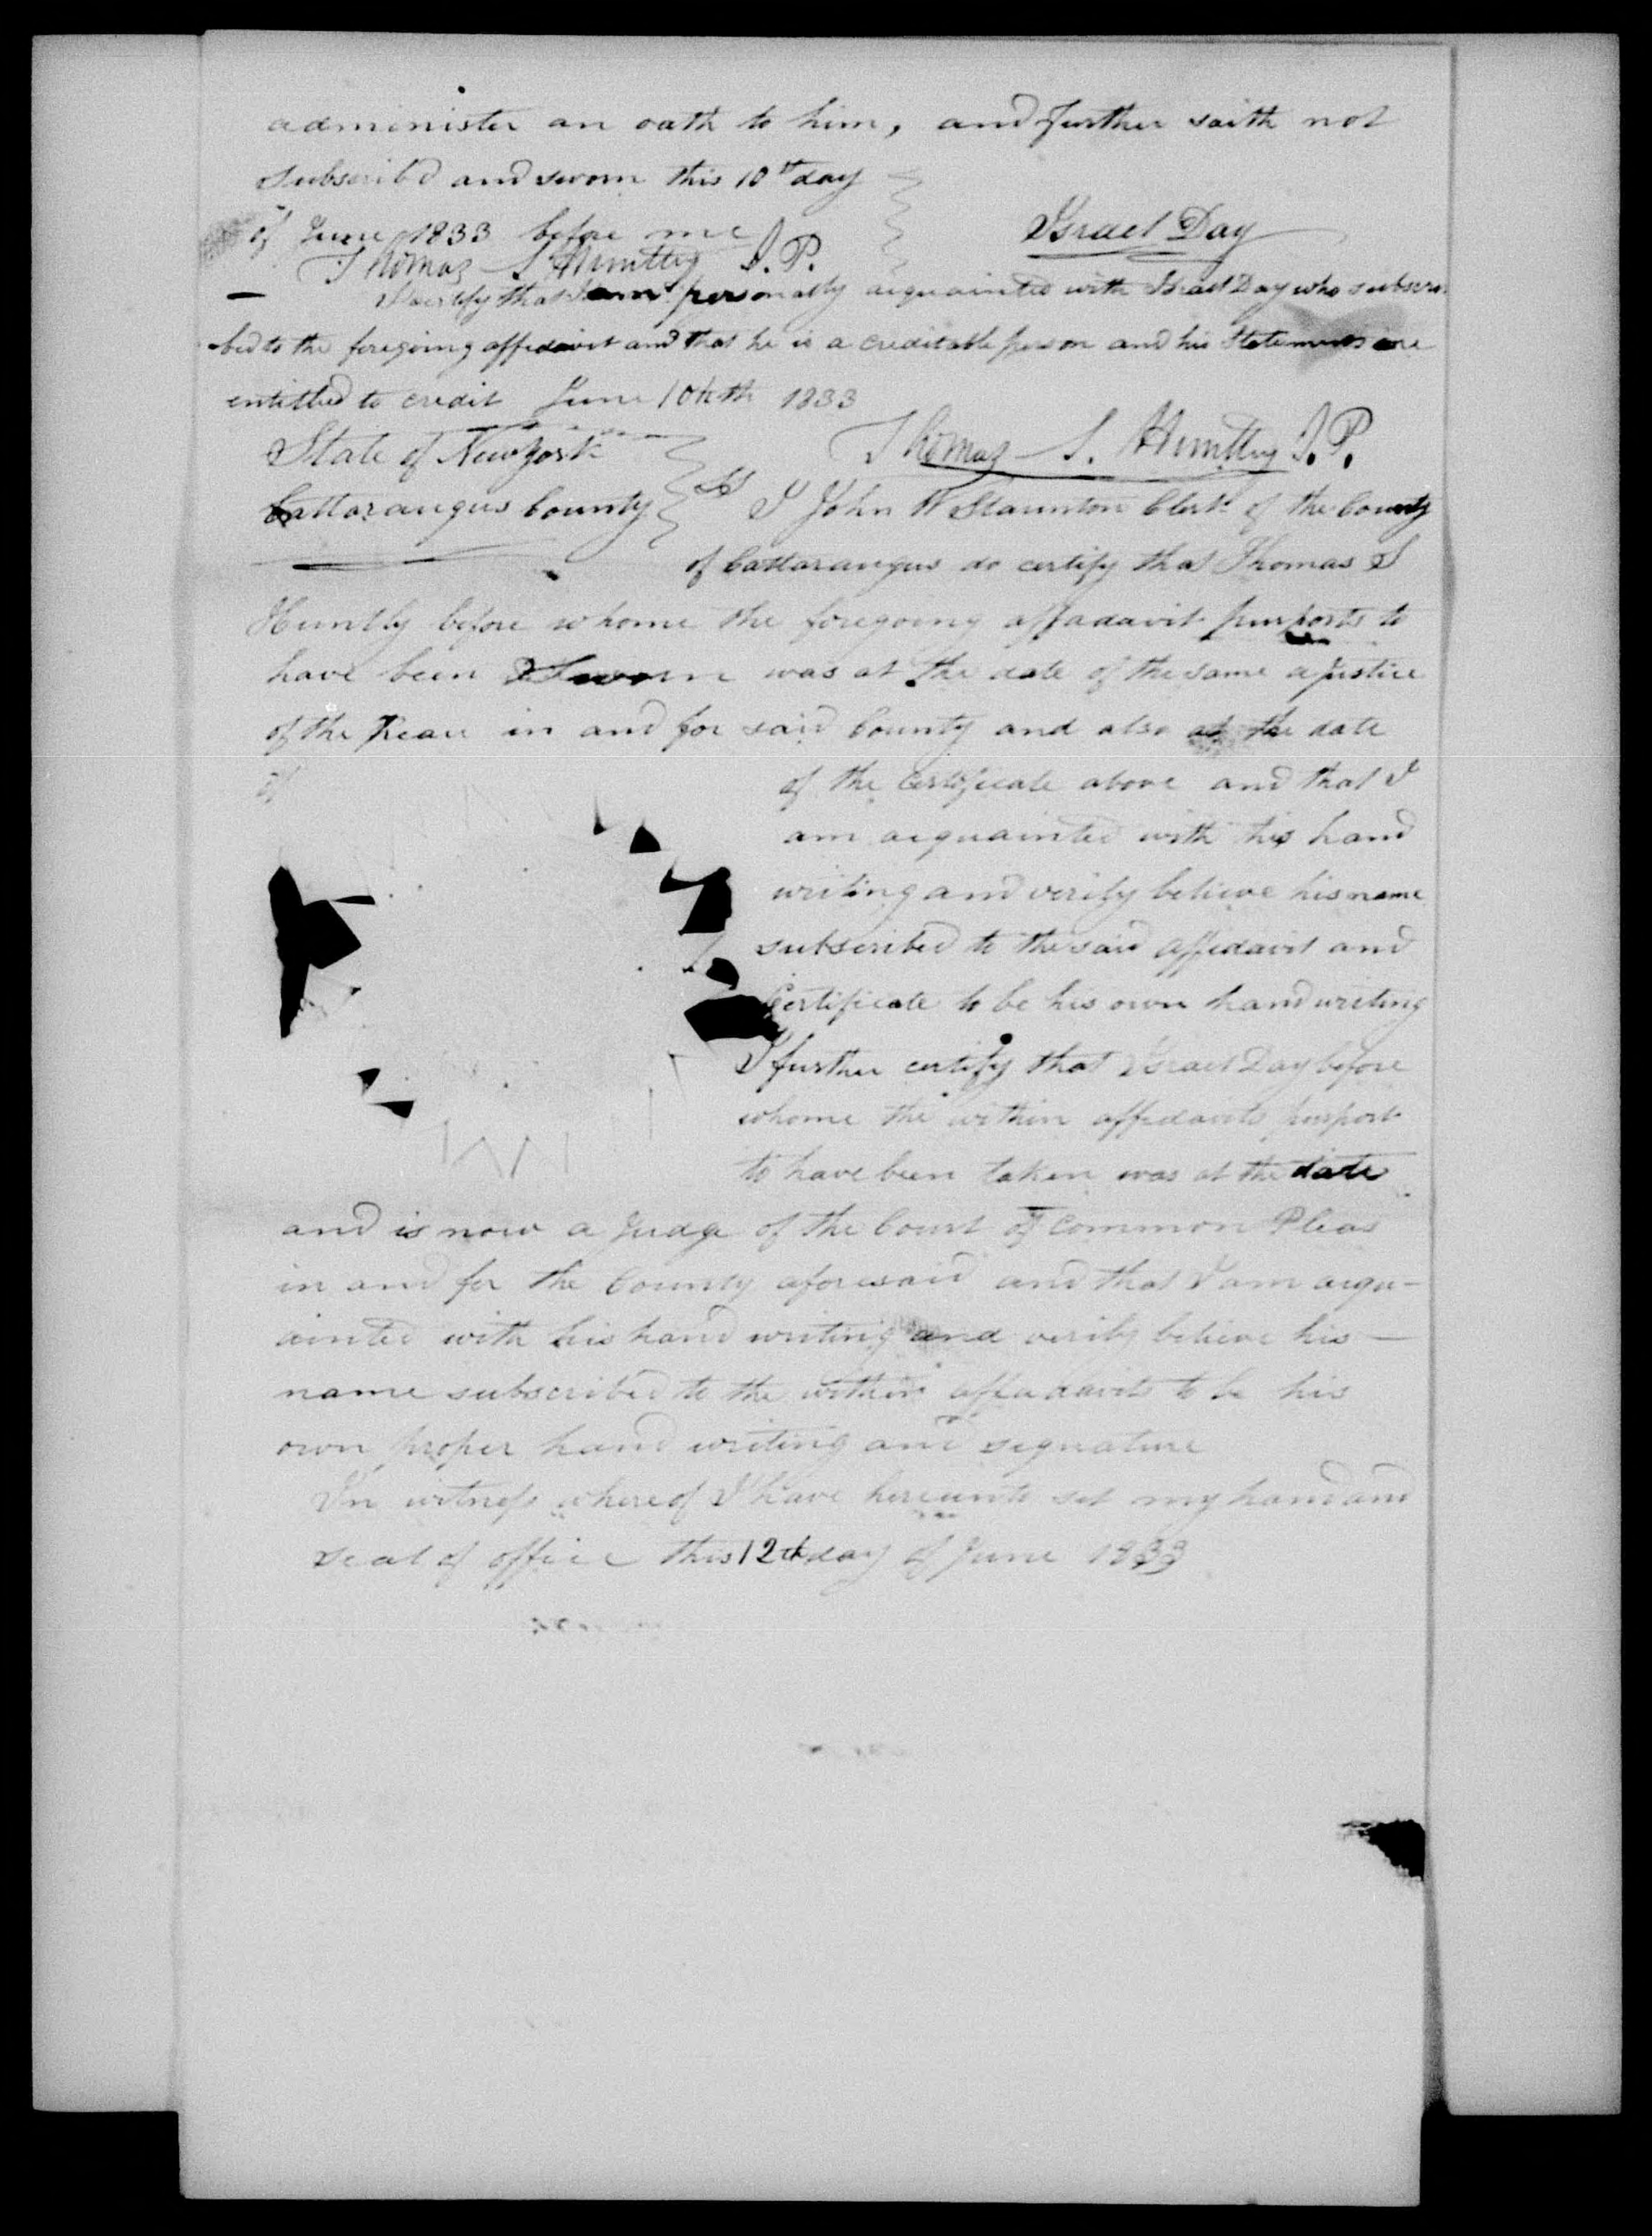administer an oath to him, and further saith not
Subscribed and sworn this 10th day }
of June 1833 before me }
Thomas S. Huntley J. P } Israel Day
I certify that I am personally acquainted with Israel Day who subscribed 
to the foregoing affidavit and that he is a creditable person and his statements are
entitled to credit June 10th 1833
Thomas S. Huntly J. P.
State of New York }
Cattaraugus County } ss I John W Staunton Clerk of the County
of Cattaraugus do certify that Thomas S.
Huntly before whom the foregoing affidavit purports to
have been sworn was at the date of the same a Justice
of the peace in and for said County and also at the date
of the Certificate above and that I
am acquainted with his hand
writing and verily believe his name
subscribed to the said affidavit and
Certificate to be his own hand writing
I further certify that Israel Day before
whom the within affidavits purport
to have been taken was at the date
and is now a Judge of the Court of Common Pleas
in and for the County aforesaid and that I am acquainted 
with his hand writing and verily believe his 
name subscribed to the within affidavit to be his
own proper hand writing and signature
In witness whereof I have hereunto set my hand and
seal of office this 12th day of June 1833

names: Thomas S Huntley; John W Stanton; Thomas S Huntly; Israel Day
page: 17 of 19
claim: rejected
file: R 7390, for Timothy Morgan, Connecticut